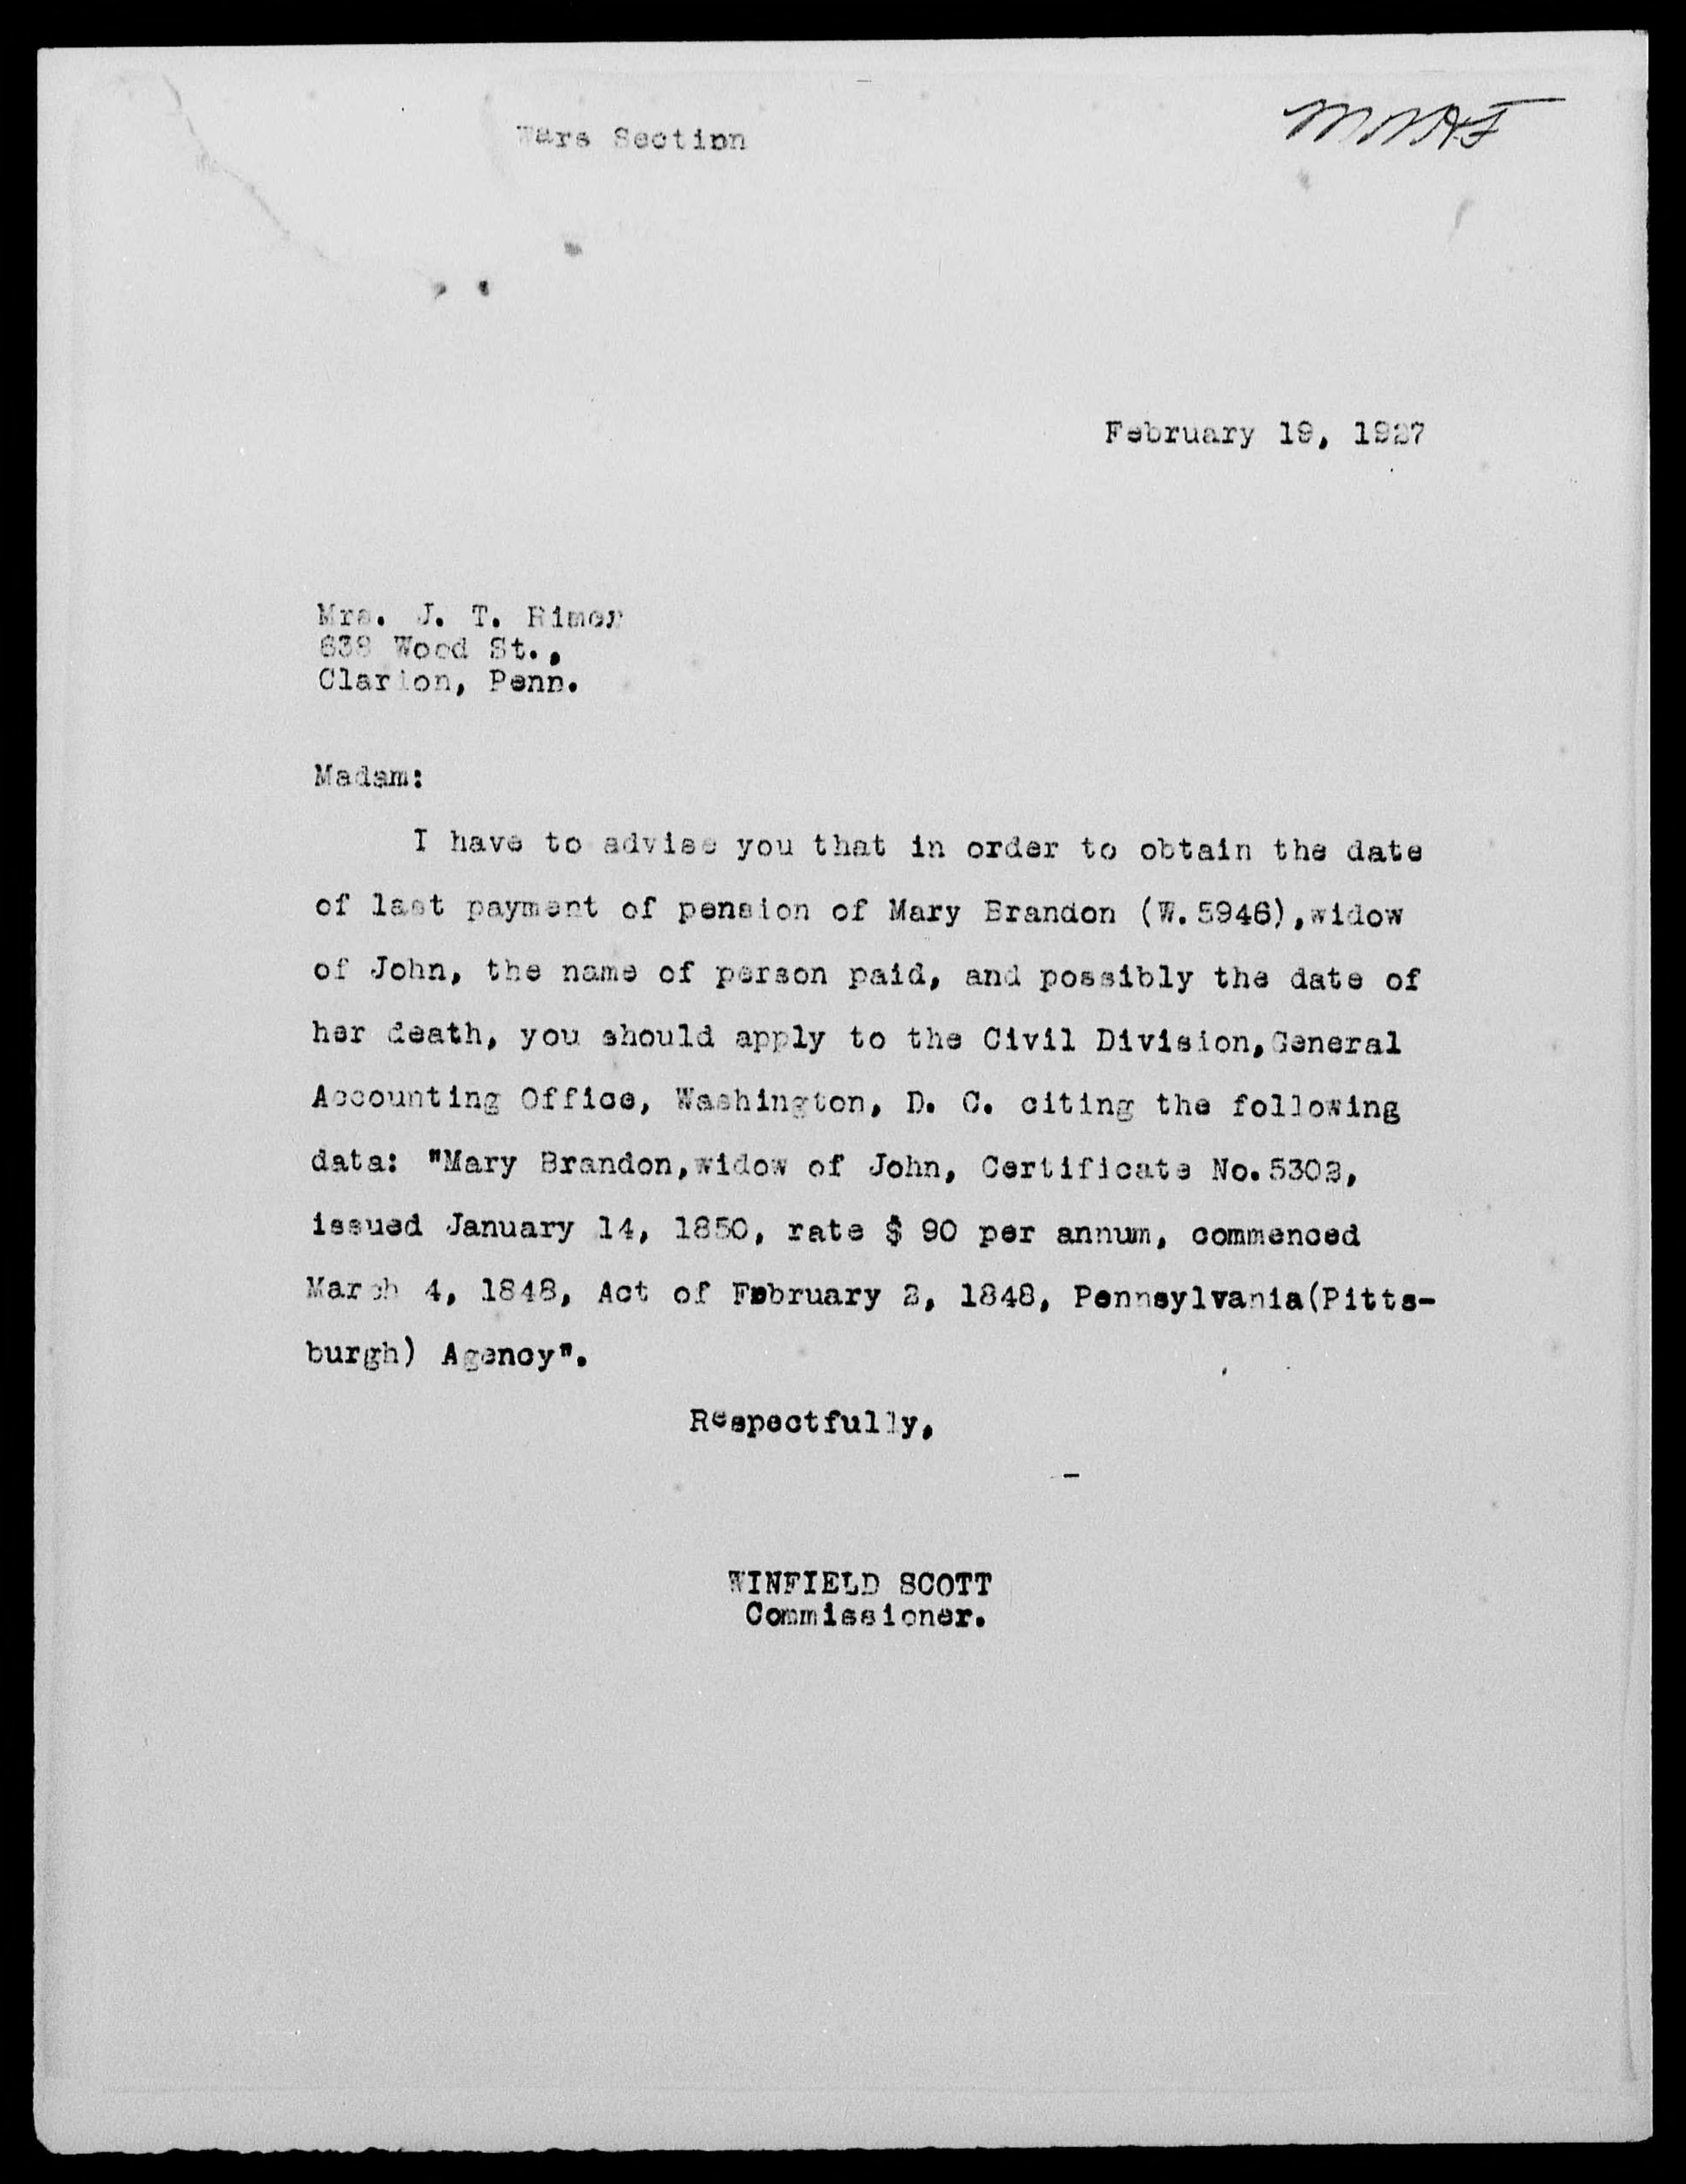[handwriting, top right]
MMF

Wars Section

February 19, 1927

Mrs. J. T. Rimer
638 Wood St.,
Clarion, Penn.

Madam:
I have to advise you that in order to obtain the date of last payment of pension of Mary Brandon (W.5948), widow of John, the name of person paid, and possibly the date of her death, you should apply to the Civil Division, General Accounting Office, Washington, D. C. citing the following data: "Mary Brandon, widow of John, Certificate No. 5302, issued January 14, 1850, rate $90 per annum, commenced March 4, 1848, Act of February 2, 1848, Pennsylvania (Pittsburgh) Agency".

Respectfully,

WINFIELD SCOTT
Commissioner.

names: John Brandon, Mary Brandon, Winfield Scott, John Brandon, Mary Brandon, J T Rimer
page: 83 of 83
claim: widow's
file: W. 5946, John Brandon, Penn